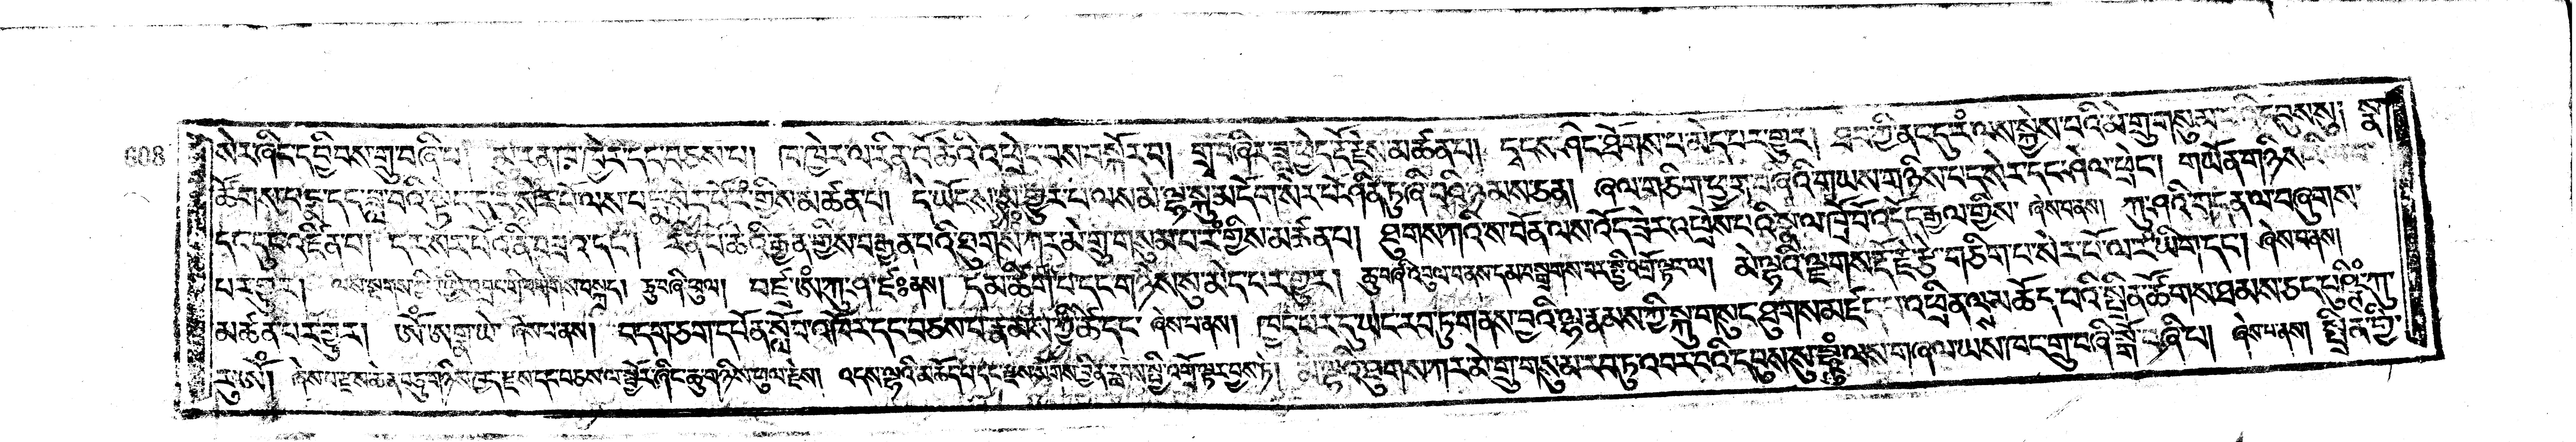སེར་ཞིང་དབྱིབས་གྲུ་བཞི་པ། མུ་རན་ཁ་ཁྱེར་དང་བཅས་པ། ཁ་ཁྱེར་ལ་རིན་པོ་ཆེའི་འཕྲེང་བས་བསྐོར་བ། གྲྭ་བཞིར་ཟླ་ཕྱེད་རྡོ་རྗེས་མཚན་པ། དྭངས་ཤིང་ཐོག་པ་མེད་པར་གྱུར། ཐབ་ཀྱི་ནང་དུ་རཾ་ལས་སྐྱེས་པའི་མེ་གྲུ་གསུམ་པའི་དབུས་སུ། སྣ་
ཚོགས་པདམ་དང་ཟླ་བའི་སྟེང་དུ་རཾ་སེར་པོ་ལས་པདམ་སེར་པོ་རཾ་གྱིས་མཚན་པ། དེ་ཡོངས་སུ་གྱུར་པ་ལས་མེ་ལྷ་སྐུ་མདོག་སེར་པོ་ཤིན་ཏུ་ཞི་བའི་ཉམས་ཅན། ཞལ་གཅིག་ཕྱག་བཞིའི་གཡས་གཉིས་པད་སེར་དང་ཤེལ་ཕྲེང་། གཡོན་གཉིས་རིལ་བ་
དང་དུང་འཛིན་པ། དར་སེར་པོའི་ནི་བཟའ་དང་། རིན་པོ་ཆེའི་རྒྱན་གྱིས་བརྒྱན་པའི་ཐུགས་ཀར་མེ་གྲུབ་གསུམ་པ་རཾ་གྱིས་མཚན་པ། ཐུགས་ཀའི་ས་བོན་ལས་འོད་ཟེར་འཕྲོས་པའི་སྣ་ལ་ཁྲོ་བོ་འདོད་རྒྱལ་གྱིས་ཞེས་པ་ནས།  ཀུ་ཤའི་གདན་ལ་བཞུགས་
པར་གྱུར། ལས་སྔགས་ཀྱིས་ཕྱིར་འབྲང་གི་བགེགས་བསྐྲད། ཆུ་བཞི་ཕུལ།  བཛྲ་ཨཾ་ཀུ་ཤ་ཛཿནས། དམ་ཚིག་པ་དང་གཉིས་སུ་མེད་པར་གྱུར། ཆུ་བཞི་འབུལ་བ་ནས་དམ་བསྒྲགས་པར་སྤྱི་འགྲོ་ལྟར་ལ།  མེ་ལྷའི་ལྗགས་རྡོ་རྗེ་རྩེ་གཅིག་པ་སེར་པོ་ལ་རཾ་ཡིག་དང་། ཞེས་པ་ནས།
མཚན་པར་གྱུར། ཨོཾ་ཨགན་ཡེ་ཞེས་པ་ནས།  བདག་ཅག་དཔོན་སློབ་འཁོར་དང་བཅས་པ་རྣམས་ཀྱི་ཚེ་དང་ཞེས་པ་ནས།  ཁྱད་པར་དུ་ཡང་རབ་ཏུ་གནས་བྱའི་ལྷ་རྣམས་ཀྱི་སྐུ་གསུང་ཐུགས་མཛད་པ་འཕྲིན་ལས་མཆོད་པའི་སྤྲིན་ཚོགས་ཐམས་ཅད་པུཥྚིཾ་ཀུ་
རུ་ཨོཾ། ཞེས་པ་རྫས་ཆེན་བཅུ་གཉིས་ཁྱད་རྫས་དང་བཅས་ལ་སྦྱོར་ཞིང་ཆུ་གཉིས་ཕུལ་རྗེས། འདས་ལྷའི་མཆོད་པ་དང་རྫས་སོགས་བྱིན་རླབས་སྤྱི་འགྲོ་ལྟར་བྱས་ཏེ།  མེ་ལྷའི་ཐུགས་ཀར་མེ་གྲུ་གསུམ་རབ་ཏུ་འབར་བའི་དབུས་སུ་བྷཱུཾ་ལས་གཞལ་ཡས་ཁང་གྲུ་བཞི་སྒོ་བཞི་པ། ཞེས་པ་ནས།  སྤྲིན་གྱི་